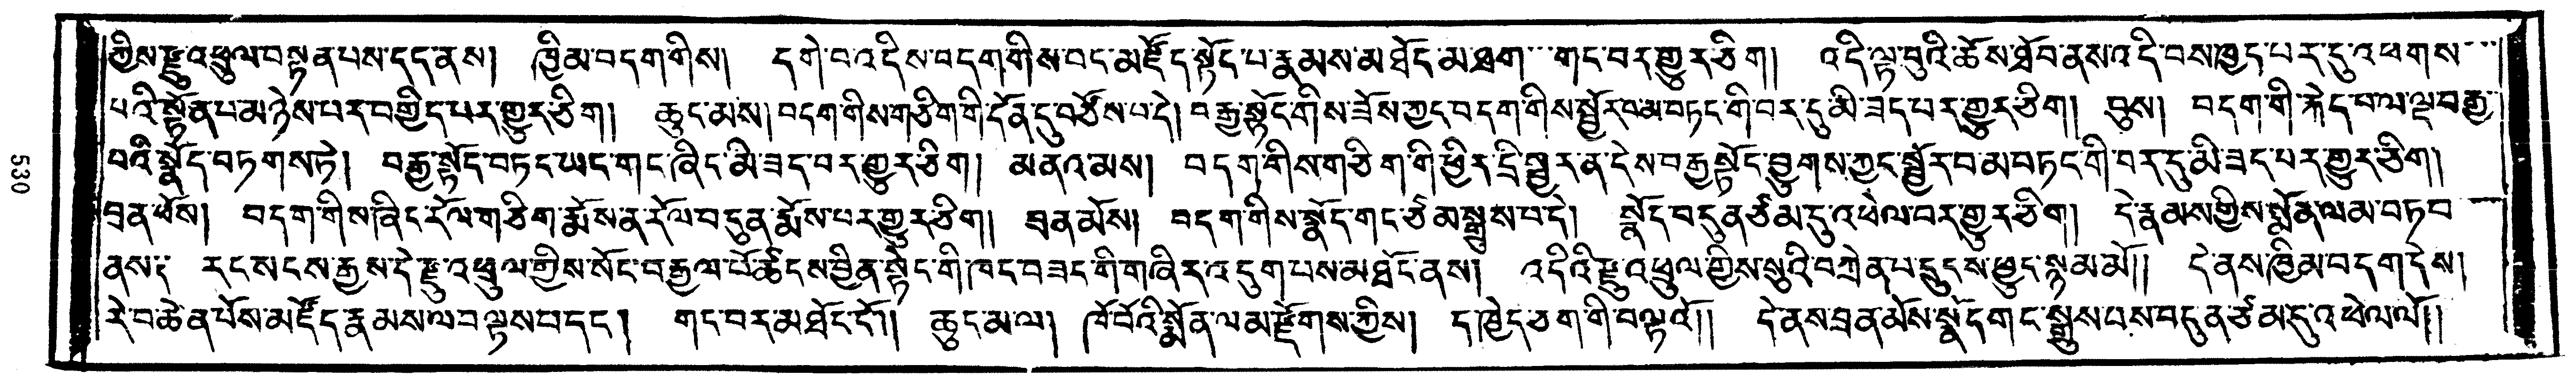ཀྱིས་རྫུ་འཕྲུལ་བསྟན་པས་དད་ནས། ཁྱིམ་བདག་གིས། དགེ་བ་འདིས་བདག་གིས་བད་མཛོད་སྟོང་པ་རྣམས་མཐོང་མ་ཐག་གང་བར་གྱུར་ཅིག། འདི་ལྟ་བུའི་ཆོས་ཐོབ་ནས་འདི་བས་ཁྱད་པར་དུ་འཕགས་
པའི་སྟོན་པ་མཉེས་པར་བགྱིད་པར་གྱུར་ཅིག། ཆུང་མས། བདག་གིས་གཅིག་གི་དོན་དུ་བཙོས་པ་དེ། བརྒྱ་སྟོང་གིས་ཟོས་ཀྱང་བདག་གིས་སྦྱོར་བ་མ་བཏང་གི་བར་དུ་མི་ཟད་པར་གྱུར་ཅིག། བུས། བདག་གི་རྐེད་པ་ལ་ལྔ་བརྒྱ་
བའི་སྣོད་བཏགས་ཏེ། བརྒྱ་སྟོང་བཏང་ཡང་གང་ཞིང་མི་ཟད་པར་གྱུར་ཅིག། མནའ་མས། བདག་གིས་གཅིག་གི་ཕྱིར་དྲི་སྦྱར་ན་དེས་བརྒྱ་སྟོང་བྱུགས་ཀྱང་སྦྱོར་བ་མ་བཏང་གི་བར་དུ་མི་ཟད་པར་གྱུར་ཅིག།
བྲན་ཕོས། བདག་གིས་ཞིང་རོལ་གཅིག་རྨོས་ན་རོལ་བདུན་རྨོས་པར་གྱུར་ཅིག། བྲན་མོས། བདག་གིས་སྣོད་གང་ཙམ་སྒྲུས་པ་དེ། སྣོད་བདུན་ཙམ་དུ་འཕེལ་བར་གྱུར་ཅིག། དེ་རྣམས་གྱིས་སྨོན་ལམ་བཏབ་
ནས༑ རང་སངས་རྒྱས་དེ་རྫུ་འཕྲུལ་གྱིས་སོང་བ་རྒྱལ་པོ་ཚངས་བྱིན་སྟེང་གི་ཁང་བཟང་གི་གཞིར་འདུག་པས་མཐོང་ནས། འདིའི་རྫུ་འཕྲུལ་གྱིས་སུའི་བཀྲེན་པ་དྲུངས་ཕྱུང་སྙམ་མོ།། དེ་ནས་ཁྱིམ་བདག་དེས།
རེ་བ་ཆེན་པོས་མཛོད་རྣམས་ལ་བལྟས་པ་དང་། གང་བར་མཐོང་ངོ།། ཆུང་མ་ལ། ཁོ་བོའི་སྨོན་ལམ་རྫོགས་ཀྱིས། ད་ཁྱེད་ཅག་གི་བལྟའོ།། དེ་ནས་བྲན་མོས་སྣོད་གང་སྒྲུས་པས་བདུན་ཙམ་དུ་འཕེལ་ལོ།།